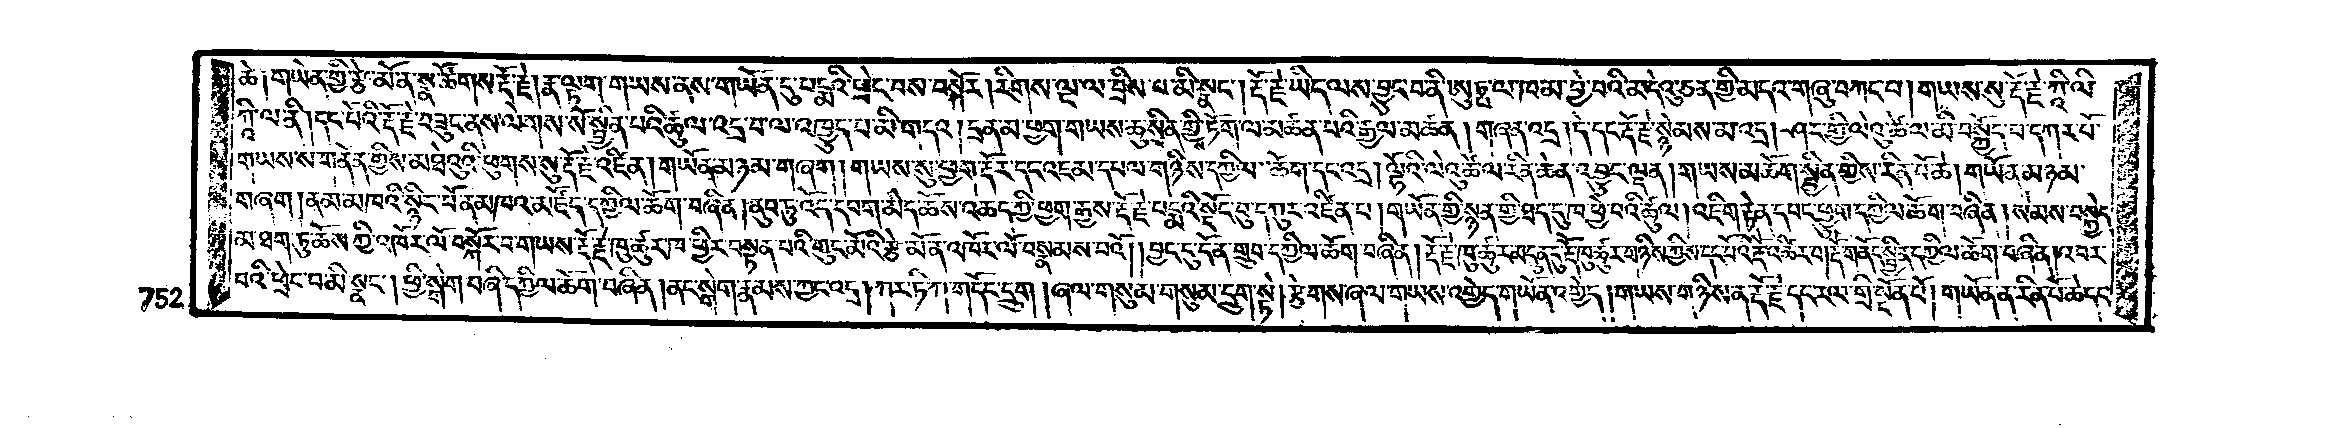ཆེ། གཡེན་གྱི་རྩེ་མོ་ན་སྣ་ཚོགས་རྡོ་རྗེ། རྣ་ལྟག་གཡས་ནས་གཡོན་དུ་པདམའི་ཕྲེང་བས་བསྐོར། རིགས་ལྔ་ལ་བྲིས་པ་མི་སྣང་། རྡོ་རྗེ་ཡིད་ལས་བྱུང་བ་ནི་ཨུཏྤ་ལ་ཁ་མ་བྱེ་བའི་མདེའུ་ཅན་གྱི་མདའ་གཞུ་བཀང་བ། གཡས་སུ་རྡོ་རྗེ་ཀཱི་ལི་
ཀཱི་ལ་ནི། དང་པོའི་རྡོ་རྗེ་བཟུང་ནས་ལེགས་སོ་སྦྱིན་པའི་ཚུལ་འདྲ་བ་ལ་འཁྱུད་པ་མི་གདའ། དྲན་མ་ཕྱག་གཡས་ཆུ་སྲིན་གྱིས་ཏོག་ལ་མཚན་པའི་རྒྱལ་མཚན། གཞན་འདྲ། དེ་དང་རྡོ་རྗེ་སྙེམས་མ་འདྲ། ཤར་གྱི་ལེའུ་ཚེ་མི་བསྐྱོད་པ་དཀར་པོ་
གཡས་ས་གནོན་གྱིས་མཐེའུའི་ཕུགས་སུ་རྡོ་རྗེ་འཛིན། གཡོན་མཉམ་གཞག །གཡས་སུ་ཕྱག་རྡོར་དང་འཇམ་དཔལ་གཉིས་དཀྱིལ་ཆོག་དང་འདྲ། ལྷོའི་ལེའུ་ཚེ་ལ་རིན་ཆེན་འབྱུང་ལྡན། གཡས་མཆོག་སྦྱིན་གྱིས་རིན་པོ་ཆེ། གཡོན་མཉམ་
གཞག །ནམ་མཁའི་སྙིང་པོ་ནམ་མཁའ་མཛོད་དཀྱིལ་ཆོག་བཞིན། ནུབ་ཏུ་འོད་དཔག་མེད་ཆོས་འཆད་ཀྱི་ཕྱག་རྒྱས་རྡོ་རྗེ་པདམའི་སྡོང་བུ་དཀུར་འཛིན་པ། གཡོན་གྱི་སྙན་གྱི་ཐད་དུ་ཁ་ཕྱེ་བའི་ཚུལ། འཇིག་རྟེན་དབང་ཕྱུག་དཀྱིལ་ཆོག་བཞིན། སེམས་བསྐྱེད་
མ་ཐག་ཏུ་ཆོས་ཀྱི་འཁོར་ལོ་བསྐོར་བ་གཡས་རྡོ་རྗེ་ཁུ་ཚུར་ཁ་ཕྱིར་བསྟན་པའི་གུང་མོའི་རྩེ་མོ་ན་འཁོར་ལོ་བསྙམས་པའོ། །བྱང་དུ་དོན་གྲུབ་དཀྱིལ་ཆོག་བཞིན། རྡོ་རྗེ་ཁུ་ཚུར་མདུན་དུ་རྡོ་ཁུ་ཚུར་གཉིས་ཀྱིས་དང་པོའི་རྡོ་འཚིར་བ། རྡོ་གནོད་སྦྱིན་དཀྱིལ་ཆོག་བཞིན། འབར་
བའི་ཕྲེང་བ་མི་སྣང་། ཕྱི་སྒེག་བཞི་དཀྱིལ་ཆོག་བཞིན། ནང་སྒེག་རྣམས་ཀྱང་འདྲ། ཀར་ཏི་ཀ་གདོང་དྲུག །ཞལ་གསུམ་གསུམ་དྲུག་སྟེ། རྩེགས་ཞལ་གཡས་འགྱེད་གཡོན་འགྱེད། གཡས་གཉིས་ན་རྡོ་རྗེ་དང་རལ་གྲི་སྔོན་པོ། གཡོན་ན་རིན་པོ་ཆེ་དང་